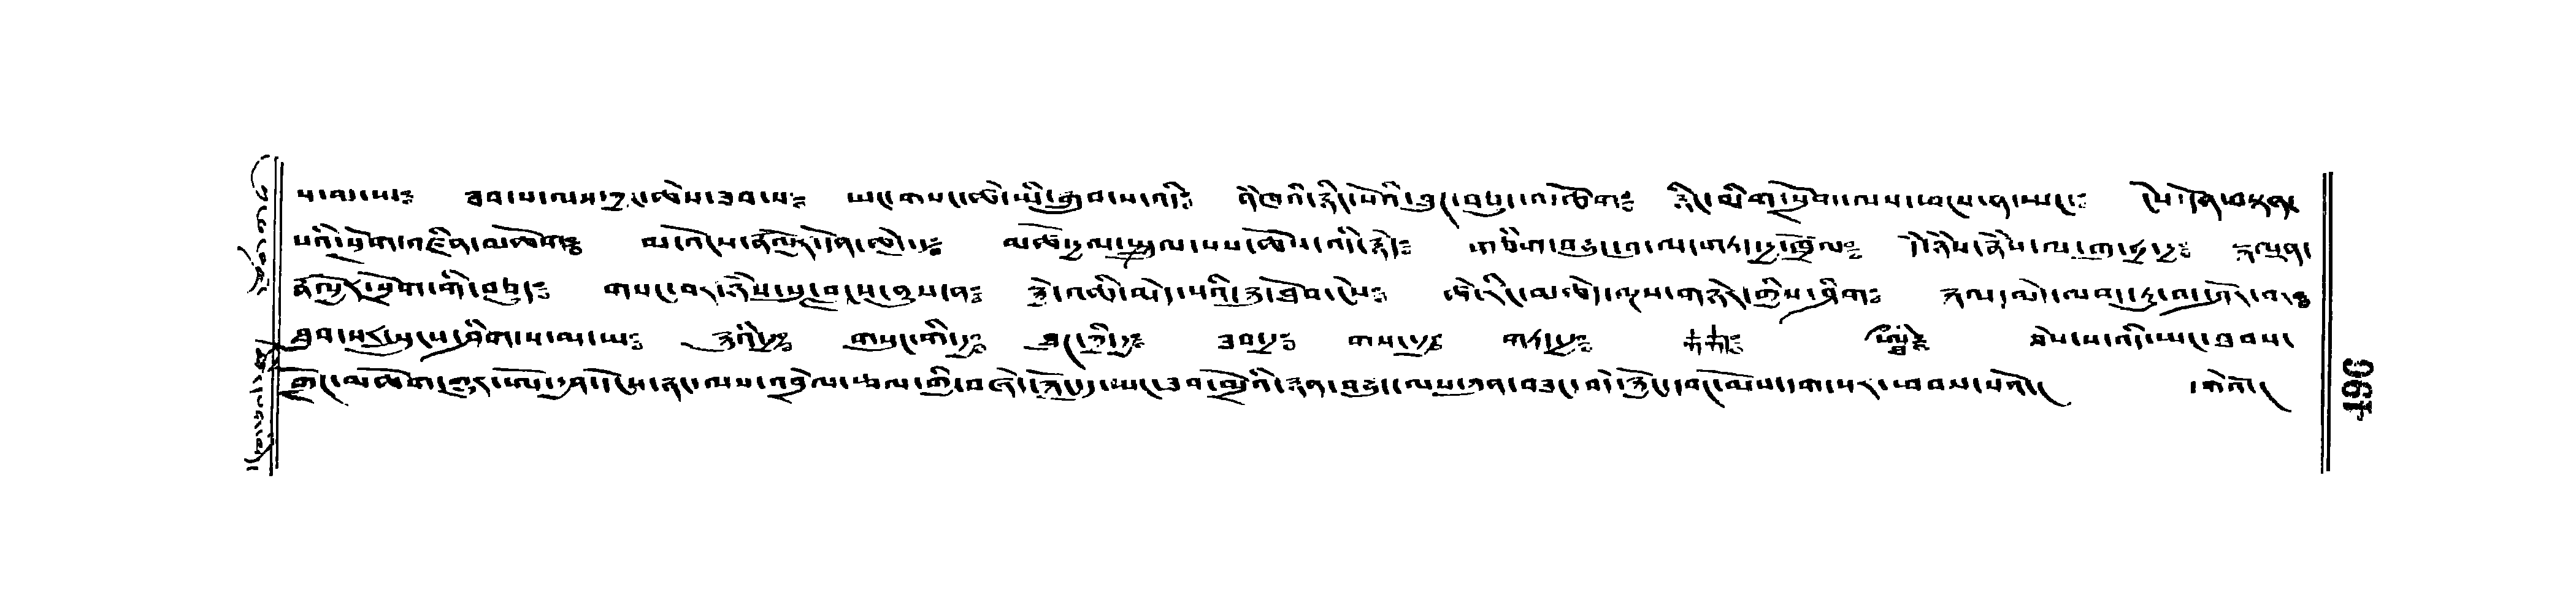ས་མ་ཡ༔ ཟབ་པ་ལས་ཀྱང་ཆེས་ཟབ་པ༔ ཡང་གསང་ཚེ་ཡི་སྒྲུབ་པ་འདི༔ ནམ་མཁའི་སྙིང་པོའི་ཐུགས་བཅུད་མཆོག༔ སྙིང་མིག་སྲོག་ལས་ཕོངས་ན་ཡང༔ ངེས་དོན་བསྟན་
པའི་སྲོག་འཛིན་མཆོག༔ མ་འོངས་རྣལ་འབྱོར་དོན་ཆེད་དུ༔ མཚོ་རྒྱལ་སྤྲུལ་པས་ཆོས་འདི་རྙེད༔ གཅིག་བརྒྱུད་བུ་ལ་གཏད་རྒྱ་ཁྲོལ༔དམ་ཉམས་རྣམས་ལ་གུ་ཧྱ་རྒྱ༔ སྐལ་ལྡན་
རྣལ་འབྱོར་སྲོག་གི་བཅུད༔ གསང་བར་ཉམས་སུ་བླངས་ནུས་ན༔ སྐྱེ་འཆི་མེད་པའི་སྐུ་ཐོབ་ངེས༔ ཚེ་རིང་མཆེད་ལྔས་གཉེར་གྱིས་ཤིག༔ སྐལ་མེད་ལག་ཏུ་མ་ཤོར་བར༔ 
ཐུབ་པར་སྲུངས་ཤིག་ས་མ་ཡ༔ སྐུའི་རྒྱ༔ གསུང་གི་རྒྱ༔ ཐུགས་ཀྱི་རྒྱ༔ ཟབ་རྒྱ༔ གསང་རྒྱ༔ གཏད་རྒྱ༔ ༔ ཅེས་པ་འདི་ཡང་ཐབས་
གྲོགས་མཆོག་གྱུར་ཨོ་རྒྱན་དངོས་སྣང་ལས་འབྲེལ་རྩལ་གྱི་བཞེད་སྐོང་དུ་ཡང་ཟབ་མཁའ་འགྲོའི་སྙན་བརྒྱུད་ལས་ཀུན་བཟང་བདེ་སྐྱོང་དབང་མོས་དག་པར་ཕབས་པའོ།། དགེའོ།།